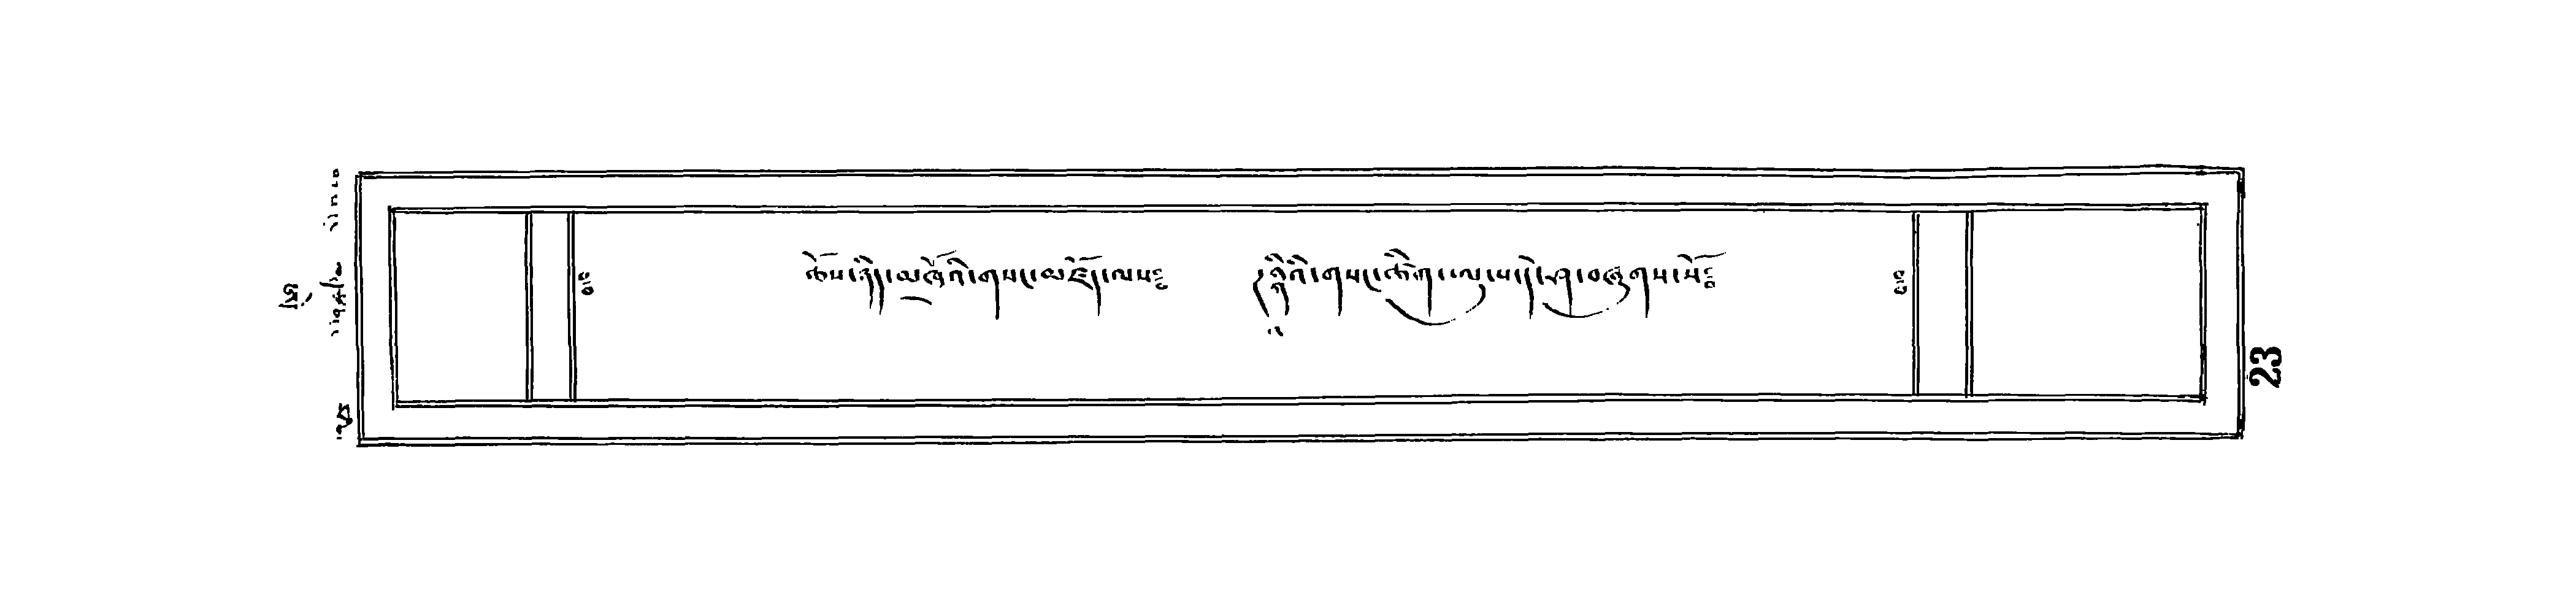ཆོས་ཉིད་མཁའ་འགྲོའི་གསང་མཛོད་ལས༔ ཌཱཀྐིའི་གསང་ཚིག་ཨུ་པ་དེ་ཤ་བཞུགས་སོ༔